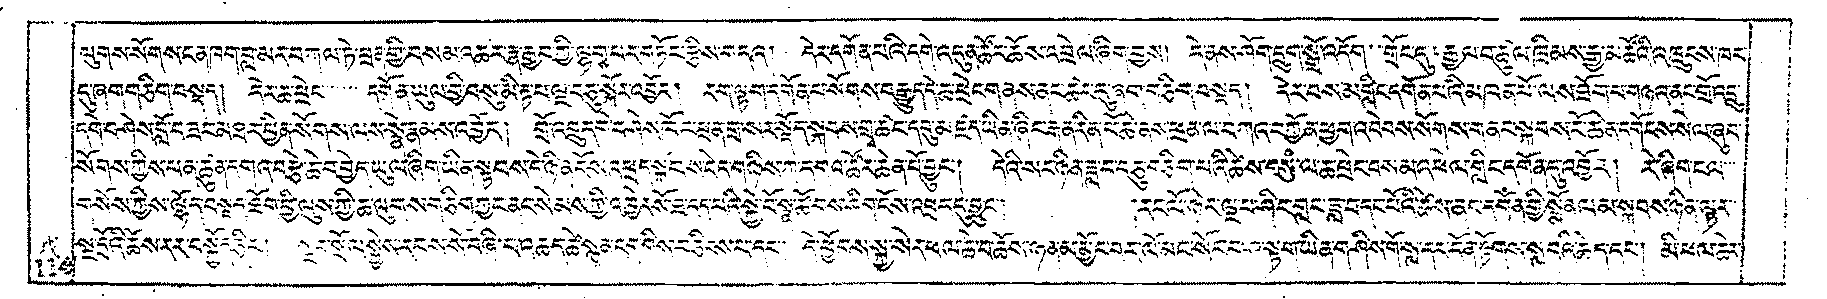ལུགས་སོགས་ངན་ཁག་བླ་མར་བཀལ་ཏེ་ཕྲན་གྱི་བསམ་འཆར་རྣ་རྒྱབ་ཀྱི་ལྷགས་པར་གཏོང་རྩིས་གདའ། དེར་དགོན་པའི་དགེ་འདུན་ཚོར་ཆོས་འབྲེལ་ཞིག་བྱས། དེ་ནས་ཤོག་དྲུག་སྒྲོ་འདོག་གྲོང་དུ་༧་རྒྱལ་བ་ཚུལ་ཁྲིམས་རྒྱ་མཚོའི་འཁྲུངས་ཁང་
དུ་ཞག་གཅིག་བསྡད། དེར་ཆ་ཕྲེང་དགོན་ཡུལ་གྱི་བསུ་མི་རྟ་པ་ལྔ་བཅུ་སྐོར་འབྱོར། རག་ལྟག་དགོན་པ་སོགས་བརྒྱུད་དེ་ཆ་ཕྲེང་གནས་ནང་ཚང་དུ་ཞག་གཅིག་བསྡད། དེར་བསམ་གླིང་དགོན་པའི་མཁན་པོ་ལས་ཐོག་པ་གཉའ་ནང་གྲོ་འབྲུ་
དགེ་བཤེས་བློ་བཟང་མཐར་ཕྱིན་སོགས་ལས་སྣེ་རྣམས་འབྱོར། གྲོ་འབྲུ་དགེ་བཤེས་ཁོང་ཕྲན་གྲ་སར་སྡོད་སྐབས་གྲྭ་ཚང་དབུ་མཛད་ཡིན་ཞིང་རྒན་རིན་པོ་ཆེ་ནས་ཕྲན་ལ་བཀའ་བཀྱོན་ཕྱག་འབེབས་སོགས་གནང་སྐབས་ངོ་ཆེན་དགོངས་སེལ་ཞུ་བ་
སོགས་ཀྱིས་ཕན་ཚུན་དགའ་བརྩེ་ཆེ་བ་བྱེད་ཡུལ་ཞིག་ཡིན་སྟབས་དེ་ཉིན་ངོས་འཕྲད་སྐབས་ངེད་གཉིས་ཀ་དགའ་ཚོར་ཆེན་པོ་བྱུང་། དེའི་སང་ཉིན་ཟླ་བ་བཅུ་གཅིག་པའི་ཚེས་གསུཾ་ལ་ཆ་ཕྲེང་བསམ་འཕེལ་གླིང་དགོན་དུ་འབྱོར། རེ་ཞིག་ངལ་
གསོས་ཀྱིས་ལྷོད་བསྡད་ཐོག་ཕྱི་ལུས་ཀྱི་ཆ་ལུགས་གཅིག་ཀྱང་ནང་སེམས་ཀྱི་འཁྱེར་སོ་ཐ་དད་པའི་སྐྱེ་བོ་སྣ་ཚོགས་ཤིག་ངོས་འཕྲད་དུ་བྱུང་། །རང་ལོ་ཉེར་ལྔ་པ་ཤིང་གླང་ཟླ་བ་དང་པོའི་ཚེས་ནང་དགོན་གྱི་སྨོན་ལམ་སྐབས་ཉིན་ལྟར་
སྔ་དྲོའི་ཆོས་རར་བསྐྱོད་ཅིང་། སྔར་སྲོལ་སྐྱེས་རབས་སོ་བཞི་པ་འཆད་ཚེ་སྙན་ངག་གིས་བཅིངས་པ་དང་། དེ་ཕྱོགས་སྐྱ་སེར་ཕལ་ཆེ་བ་ཆོས་ཉན་མ་མྱོང་བར་ལོ་མང་སོང་བ་ཤ་སྟག་ཡིན་གཤིས་གོ་སླ་དང་དོན་རྟོགས་སླ་བའི་ཆེད་དང་། མི་ཕལ་ཆེར་